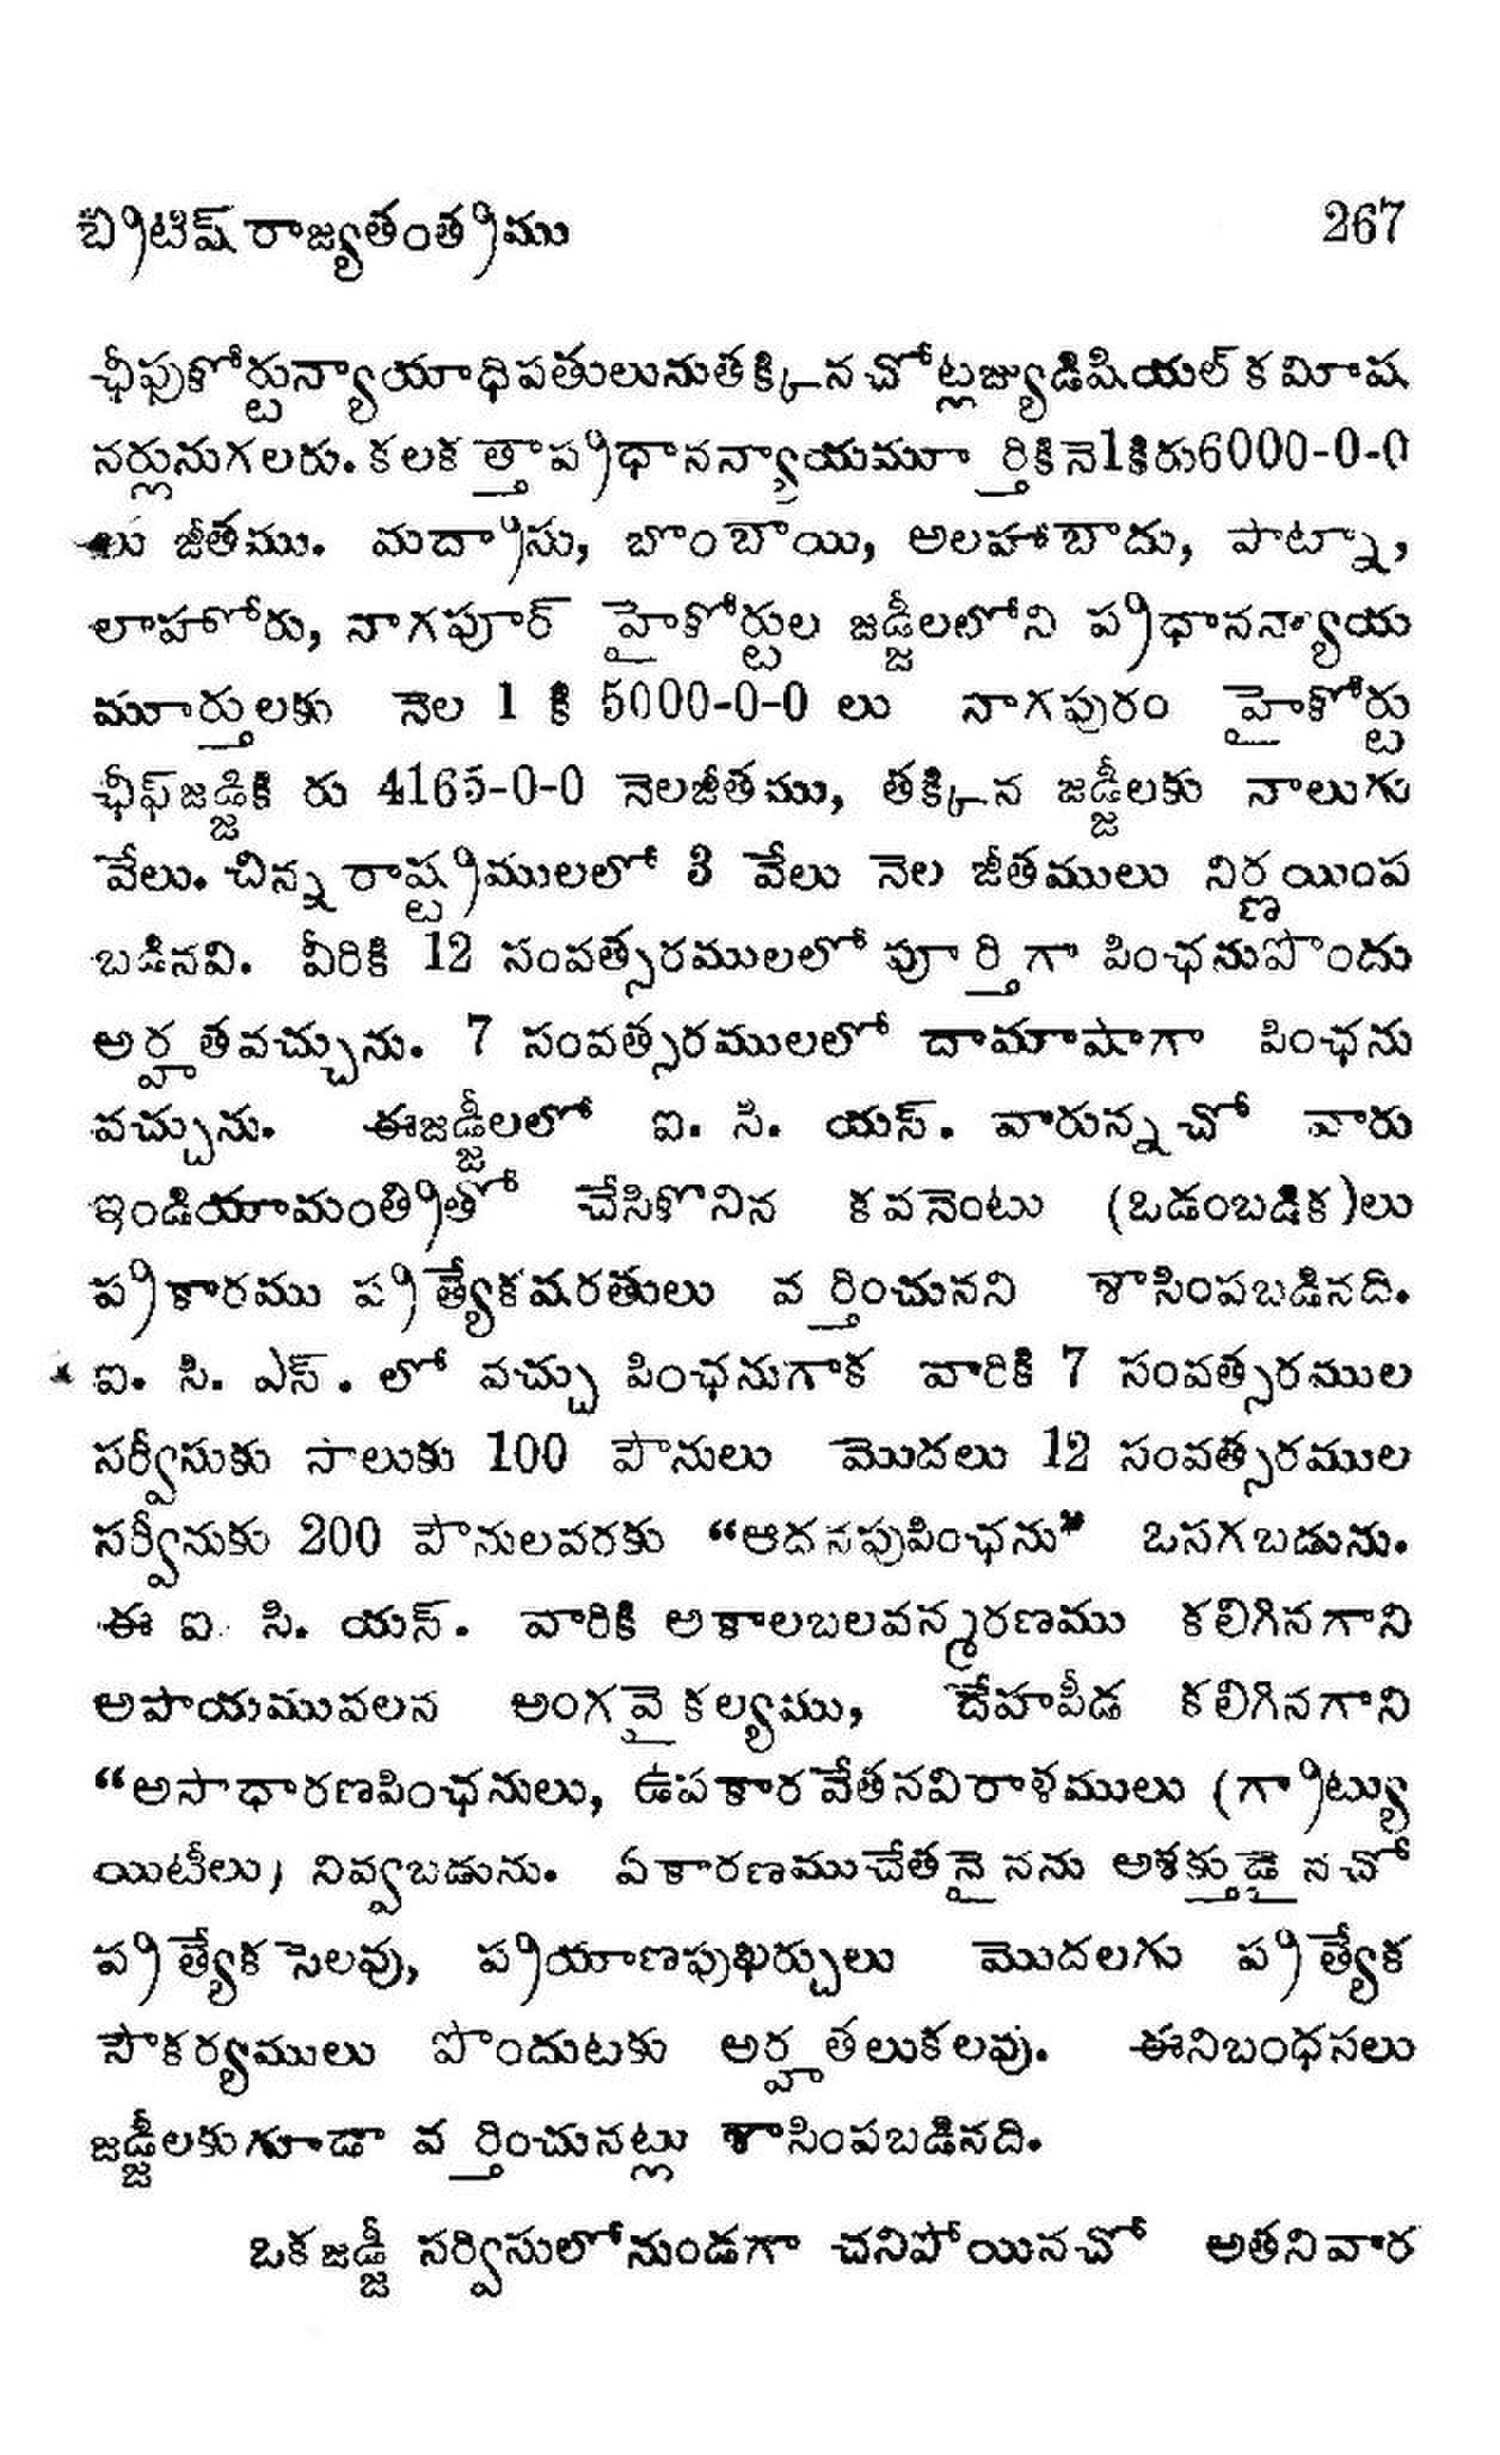చీపుకోర్టున్యాయాధిపతులును తక్కినచోట్లజ్యుడిషియల్ కమీషనర్లునుగలరు. కలకత్తాప్రధాన న్యాయమూర్తికి నె1కి రు6000-0-0 లు జీతము. మద్రాసు, బొంబాయి, అలహాబాదు, పాట్నా, లాహోరు, నాగపూర్ హైకోర్టుల జడ్జీలలోని ప్రధానన్యాయమూర్తులకు నెల 1కి 5000-0-0 లు నాగపురం హైకోర్టు చీఫ్ జడ్జికి రు 4165-0-0 నెలజీతము, తక్కిన జడ్జీలకు నాలుగువేలు. చిన్నరాష్ట్రములలో 3 వేలు నెల జీతములు నిర్ణయింపబడినవి. వీరికి 12 సంవత్సరములలో పూర్తిగా పింఛనుపొందు అర్హతవచ్చును. 7 సంవత్సరములలో దామాషాగా పింఛను వచ్చును. ఈజడ్జీలలో ఐ. సి. యస్. వారున్నచో వారు ఇండియామంత్రితో చేసికొనిన కవనెంటు (ఒడంబడిక)లు ప్రకారము ప్రత్యేకషరతులు వర్తించునని శాసింపబడినది. ఐ. సి. ఎస్ . లో వచ్చు పింఛనుగాక వారికి 7 సంవత్సరముల సర్వీసుకు సాలుకు 100 పౌనులు మొదలు 12 సంవత్సరముల సర్వీసుకు 200 పౌనులవరకు "ఆదనపుపింఛను" ఒసగబడును. ఈ ఐ. సి. యస్. వారికి అకాలబలవన్మరణము కలిగినగాని అపాయమువలన అంగవైకల్యము, దేహపీడ కలిగినగాని “అసాధారణపింఛనులు, ఉపకారవేతనవిరాళములు (గాట్యుయిటీలు) నివ్వబడును. ఏకారణముచేతనైనను అశక్తుడైనచో ప్రత్యేకసెలవు, ప్రయాణఫుఖర్చులు మొదలగు ప్రత్యేక
సౌకర్యములు పొందుటకు అర్హతలుకలవు. ఈనిబంధసలు జడ్జీలకుగూడా వర్తించునట్లు శాసింపబడినది.

ఒకజడ్జి సర్విసులోనుండగా చనిపోయినచో అతనివార